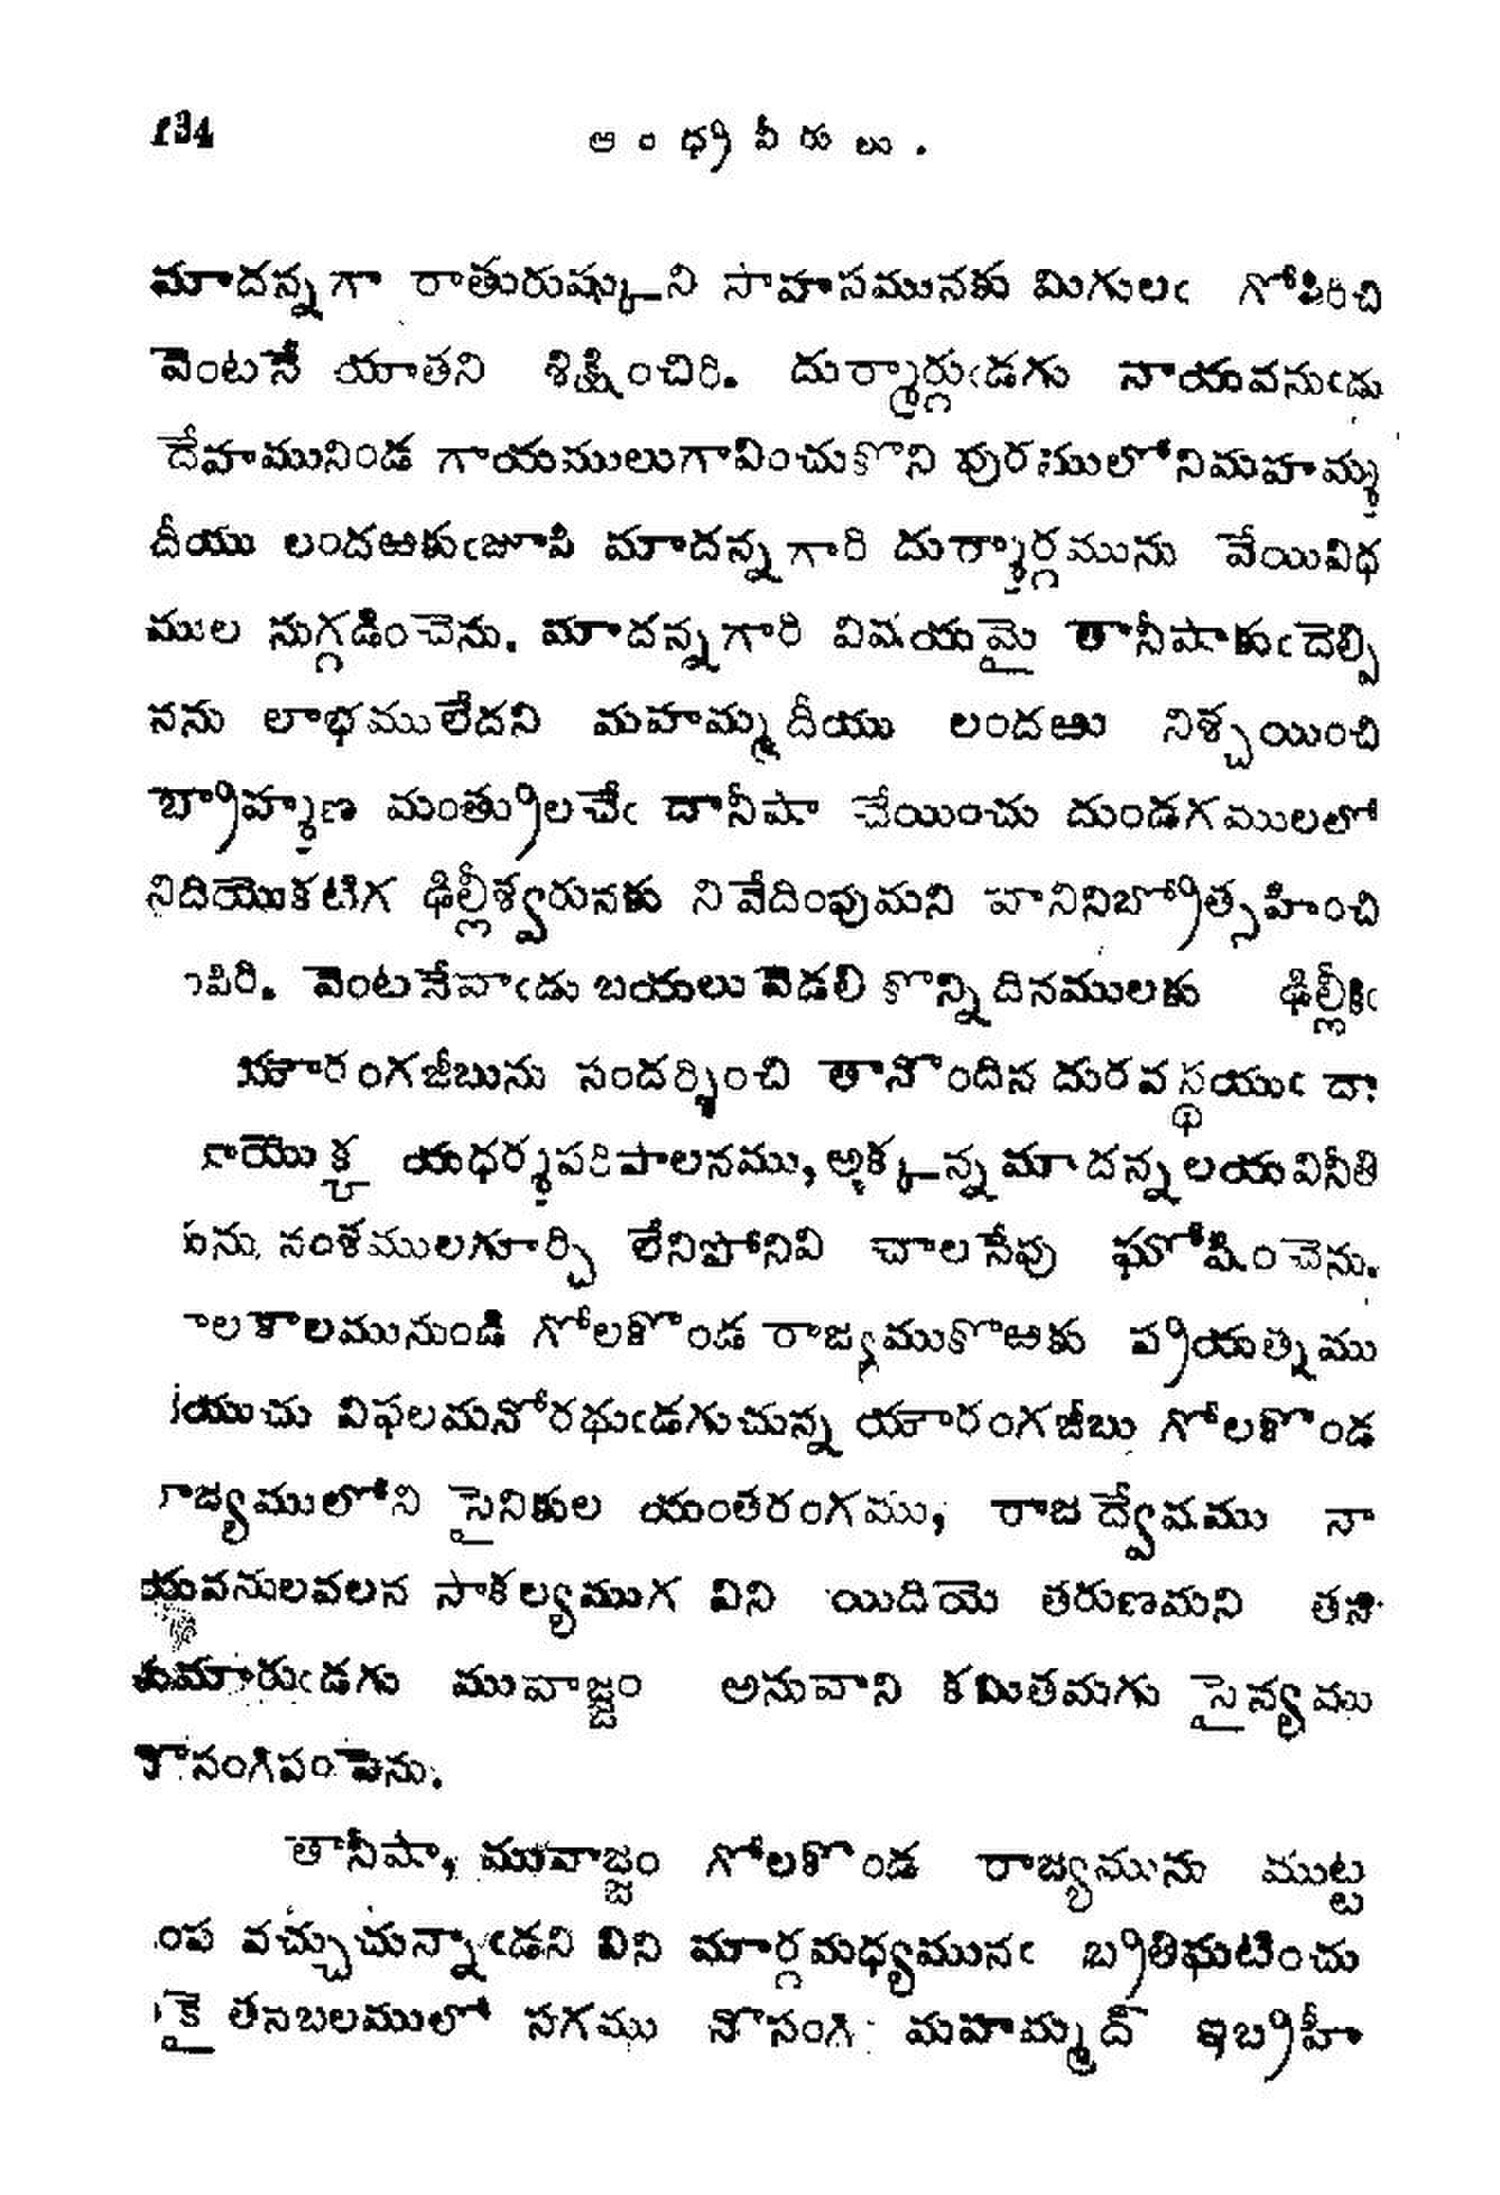మాదన్నగా రాతురుష్కుని సాహసమునకు మిగుల గోపించి వెంటనే యాతని శిక్షించిరి. దుర్మార్గుడగు నాయవనుడు దేహమునిండ గాయములుగావించుకొని పురములోని మహమ్మదీయు లందఱకు జూపి మాదన్నగారి దుర్మార్గమును వేయివిధముల నుగ్గడించెను. మాదన్నగారి విషయమై తానీషాకు దెల్పినను లాభములేదని మహమ్మదీయు లందఱు నిశ్చయించి బ్రాహ్మణ మంత్రులచే దానీషా చేయించు దుండగములలో నిదియొకటిగ డిల్లీశ్వరునకు నివేదింపుమని వానినిబ్రోత్సహించి పంపిరి. వెంటనేవాడు బయలువెడలి కొన్నిదినములకు డిల్లీకి జేరి యౌరంగజీబును సందర్శించి తానొందిన దురవస్థయు దానిషాయొక్క యధర్మ పరిపాలనము, అక్కన్న మాదన్నల యవినీతి యను నంశములగూర్చి లేనిపోనివి చాలసేపు ఘోషించెను. చాలకాలము నుండి గోలకొండ రాజ్యముకొఱకు ప్రయత్నము జేయుచు విఫలమనోరథుడగుచున్న యౌరంగజీబు గోలకొండ రాజ్యములోని సైనికుల యంతరంగము, రాజద్వేషము నా యవనులవలన సాకల్యముగ విని యిదియె తరుణమని తన కుమారుడగు మువాజ్జం అనువాని కమితమగు సైన్యము నొసంగిపంపెను.

తానిషా, మువాజ్జం గోలకొండ రాజ్యమును ముట్టడింప వచ్చుచున్నాడని విని మార్గమధ్యమున బ్రతిఘటించుటకై తనబలములో సగము నొసంగి మహమ్మద్ ఇబ్రహీం